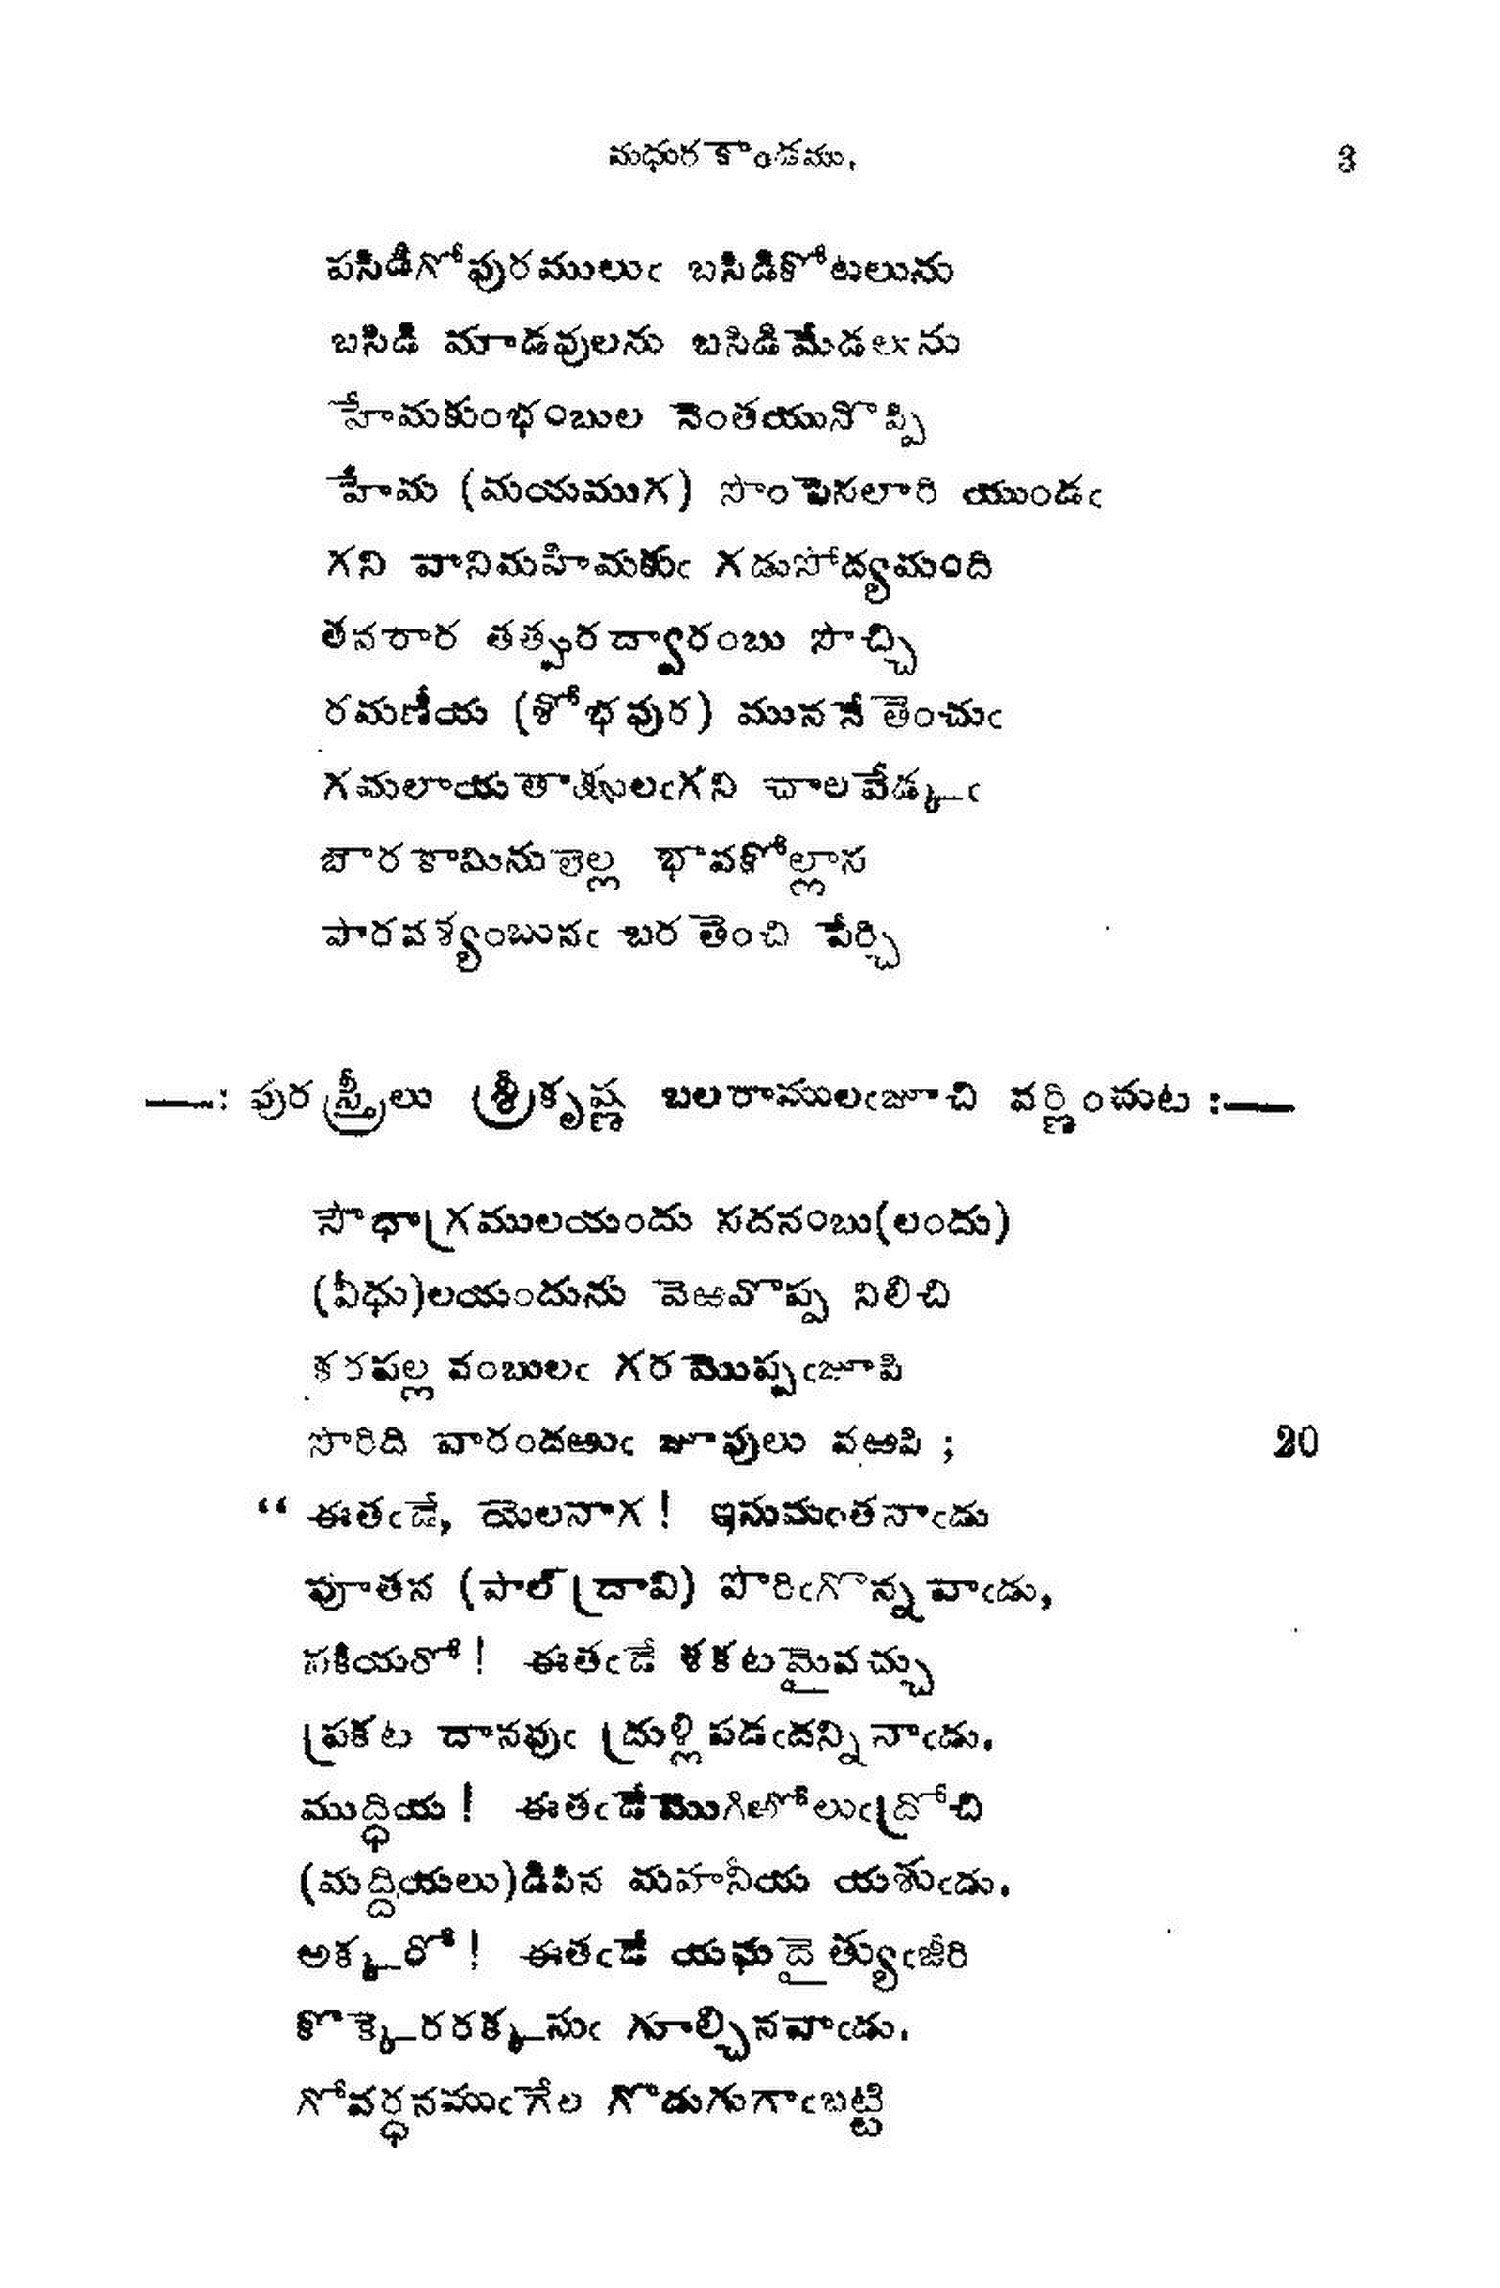పసిడిగోపురములుఁ బసిడికోటలును
బసిడి మాడవులను బసిడిమేడలును
హేమకుంభంబుల నెంతయు నొప్పి
హేమమయముగ సొంపెసలారి యుండఁ
గని వాని మహిమకుఁ గడు సోద్యమంది
తనరార తత్పురద్వారంబు సొచ్చి
రమణీయ(శోభ వుర)మున నేతెంచుఁ
గమలాయతాక్షులఁ గని చాలవేడ్కఁ
బౌరకామిను లెల్ల భావకోల్లాస
పారవశ్యంబునఁ బరతెంచి పేర్చి

సౌధాగ్రముల యందు సదనంబు (లందు)
వీధుల యందును వెఱవొప్ప నిలిచి
సొరిది వారందఱుఁ జూపులు పఱపి;
“ ఈతఁడే, యెలనాగ ఇసుమంతనాఁడు
పూతన (పాల్ ద్రావి) పొరిఁగొన్న వాఁడు, 
సకియరో! ఈతఁడే శకటమై వచ్చు 
ప్రకట దానవుఁ ద్రుళ్ళిపడఁ దన్నినాఁడు. 
ముద్ధియ! ఈతఁడే మొగిఱోలుఁ ద్రోచి
మద్దియ లుడిపిన మహనీయ యశుఁడు. 
అక్కరో! ఈతఁడే యఘదైత్యుఁ జీరి
కొక్కెర రక్కసుఁ గూల్చినవాఁడు. 
గోవర్ధనముఁ గేల గొడుగుగాఁ బట్టి.